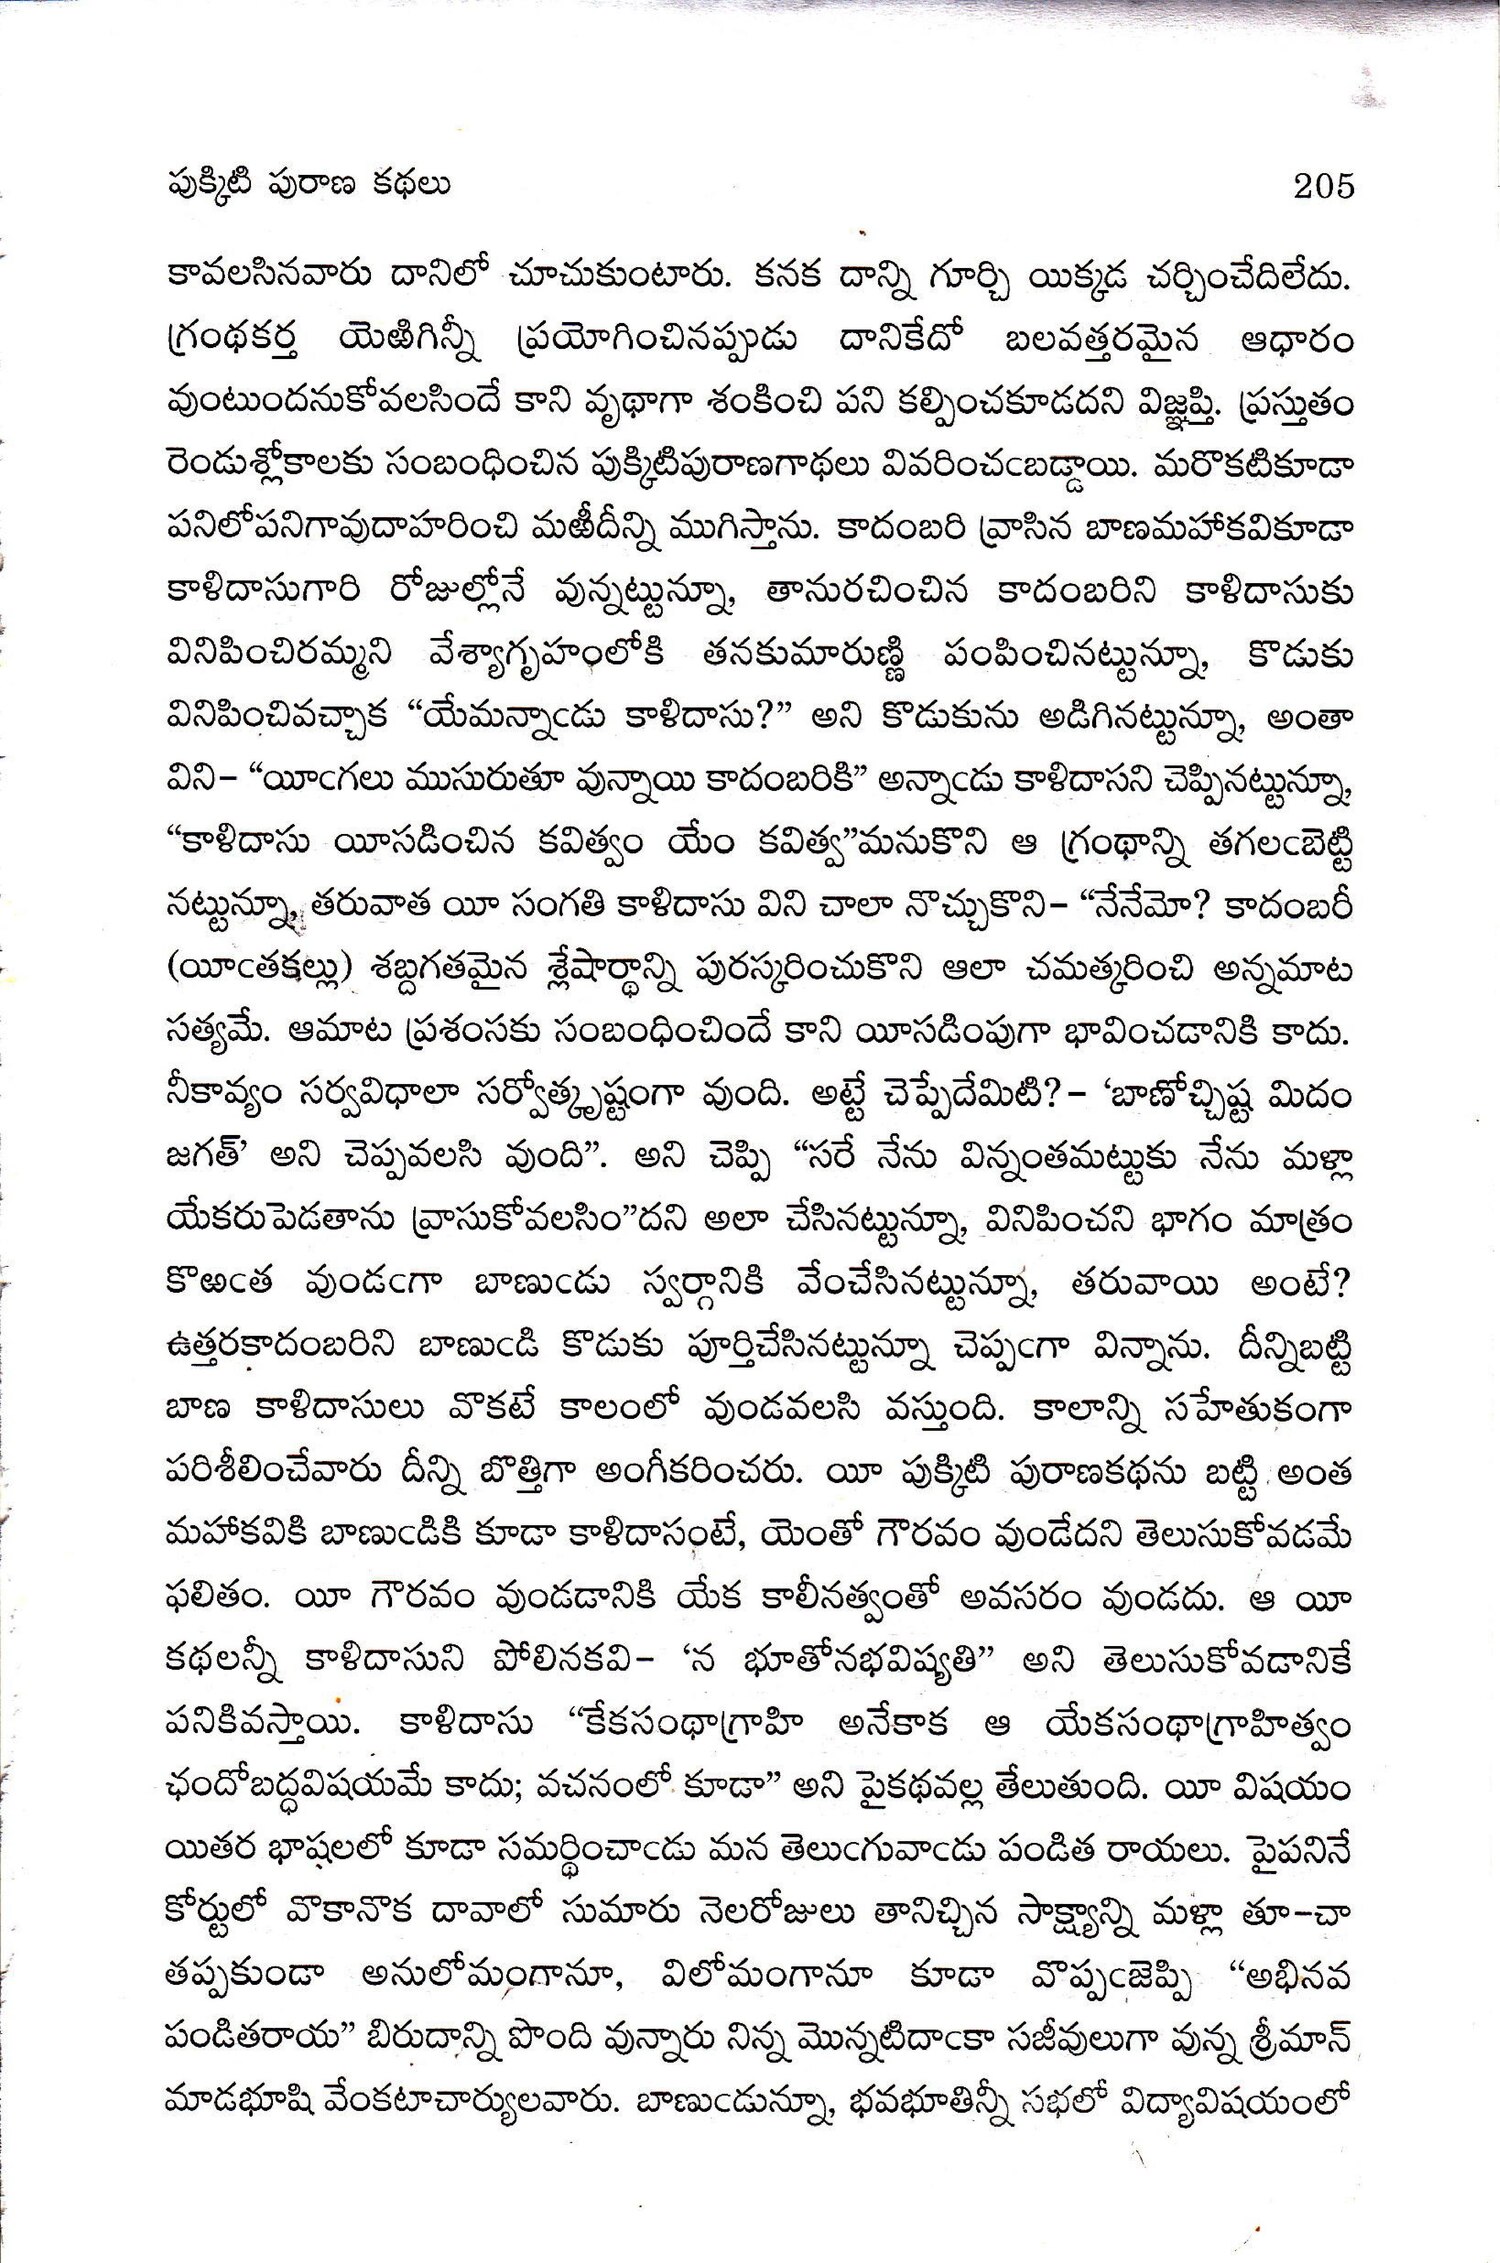కావలసినవారు దానిలో చూచుకుంటారు. కనక దాన్ని గూర్చి యిక్కడ చర్చించేదిలేదు. గ్రంథకర్త యెఱిగిన్నీ ప్రయోగించినప్పుడు దానికేదో బలవత్తరమైన ఆధారం వుంటుందనుకోవలసిందే కాని వృథాగా శంకించి పని కల్పించకూడదని విజ్ఞప్తి. ప్రస్తుతం రెండుశ్లోకాలకు సంబంధించిన పుక్కిటిపురాణగాథలు వివరించఁబడ్డాయి. మరొకటి కూడా పనిలోపనిగావుదాహరించి మఱీదీన్ని ముగిస్తాను. కాదంబరి వ్రాసిన బాణమహాకవికూడా కాళిదాసుగారి రోజుల్లోనే వున్నట్టున్నూ, తానురచించిన కాదంబరిని కాళిదాసుకు వినిపించిరమ్మని వేశ్యాగృహంలోకి తనకుమారుణ్ణి పంపించినట్టున్నూ, కొడుకు వినిపించివచ్చాక "యేమన్నాఁడు కాళిదాసు?" అని కొడుకును అడిగినట్టున్నూ, అంతా విని– “యీఁగలు ముసురుతూ వున్నాయి కాదంబరికి" అన్నాఁడు కాళిదాసని చెప్పినట్టున్నూ “కాళిదాసు యీసడించిన కవిత్వం యేం కవిత్వ"మనుకొని ఆ గ్రంథాన్ని తగలఁబెట్టినట్టున్నూ తరువాత యీ సంగతి కాళిదాసు విని చాలా నొచ్చుకొని- "నేనేమో? కాదంబరీ (యీఁతకల్లు) శబ్దగతమైన శ్లేషార్ధాన్ని పురస్కరించుకొని ఆలా చమత్కరించి అన్నమాట సత్యమే. ఆమాట ప్రశంసకు సంబంధించిందే కాని యీసడింపుగా భావించడానికి కాదు. నీకావ్యం సర్వవిధాలా సర్వోత్కృష్టంగా వుంది. అట్టే చెప్పేదేమిటి?- "బాణోచ్చిష్ట మిదం జగత్‌' అని చెప్పవలసి వుంది". అని చెప్పి “సరే నేను విన్నంతమట్టుకు నేను మళ్లా యేకరుపెడతాను వ్రాసుకోవలసిం"దని అలా చేసినట్టున్నూ, వినిపించని భాగం మాత్రం కొఱఁత వుండఁగా బాణుఁడు స్వర్గానికి వేంచేసినట్టున్నూ, తరువాయి అంటే? ఉత్తరకాదంబరిని బాణుఁడి కొడుకు పూర్తిచేసినట్టున్నూ చెప్పఁగా విన్నాను. దీన్నిబట్టి బాణ కాళిదాసులు వొకటే కాలంలో వుండవలసి వస్తుంది. కాలాన్ని సహేతుకంగా పరిశీలించేవారు దీన్ని బొత్తిగా అంగీకరించరు. యీ పుక్కిటి పురాణకథను బట్టి, అంత మహాకవికి బాణుఁడికి కూడా కాళిదాసంటే, యెంతో గౌరవం వుండేదని తెలుసుకోవడమే ఫలితం. యీ గౌరవం వుండడానికి యేక కాలీనత్వంతో అవసరం వుండదు. ఆ యీ కథలన్నీ కాళిదాసుని పోలినకవి- 'న భూతోనభవిష్యతి" అని తెలుసుకోవడానికే పనికివస్తాయి. కాళిదాసు "కేకసంథాగ్రాహి అనేకాక ఆ యేకసంథాగ్రాహిత్వం ఛందోబద్ధవిషయమే కాదు; వచనంలో కూడా" అని పైకథవల్ల తేలుతుంది. యీ విషయం యితర భాషలలో కూడా సమర్థించాఁడు మన తెలుఁగువాఁడు పండిత రాయలు. పైపనినే కోర్టులో వొకానొక దావాలో సుమారు నెలరోజులు తానిచ్చిన సాక్ష్యాన్ని మళ్లా తూ-చా తప్పకుండా అనులోమంగానూ, విలోమంగానూ కూడా వొప్పఁజెప్పి “అభినవ పండితరాయ" బిరుదాన్ని పొంది వున్నారు నిన్న మొన్నటిదాఁకా సజీవులుగా వున్న శ్రీమాన్ మాడభూషి వేంకటాచార్యలవారు. బాణుఁడున్నూ భవభూతిన్నీ సభలో విద్యావిషయంలో